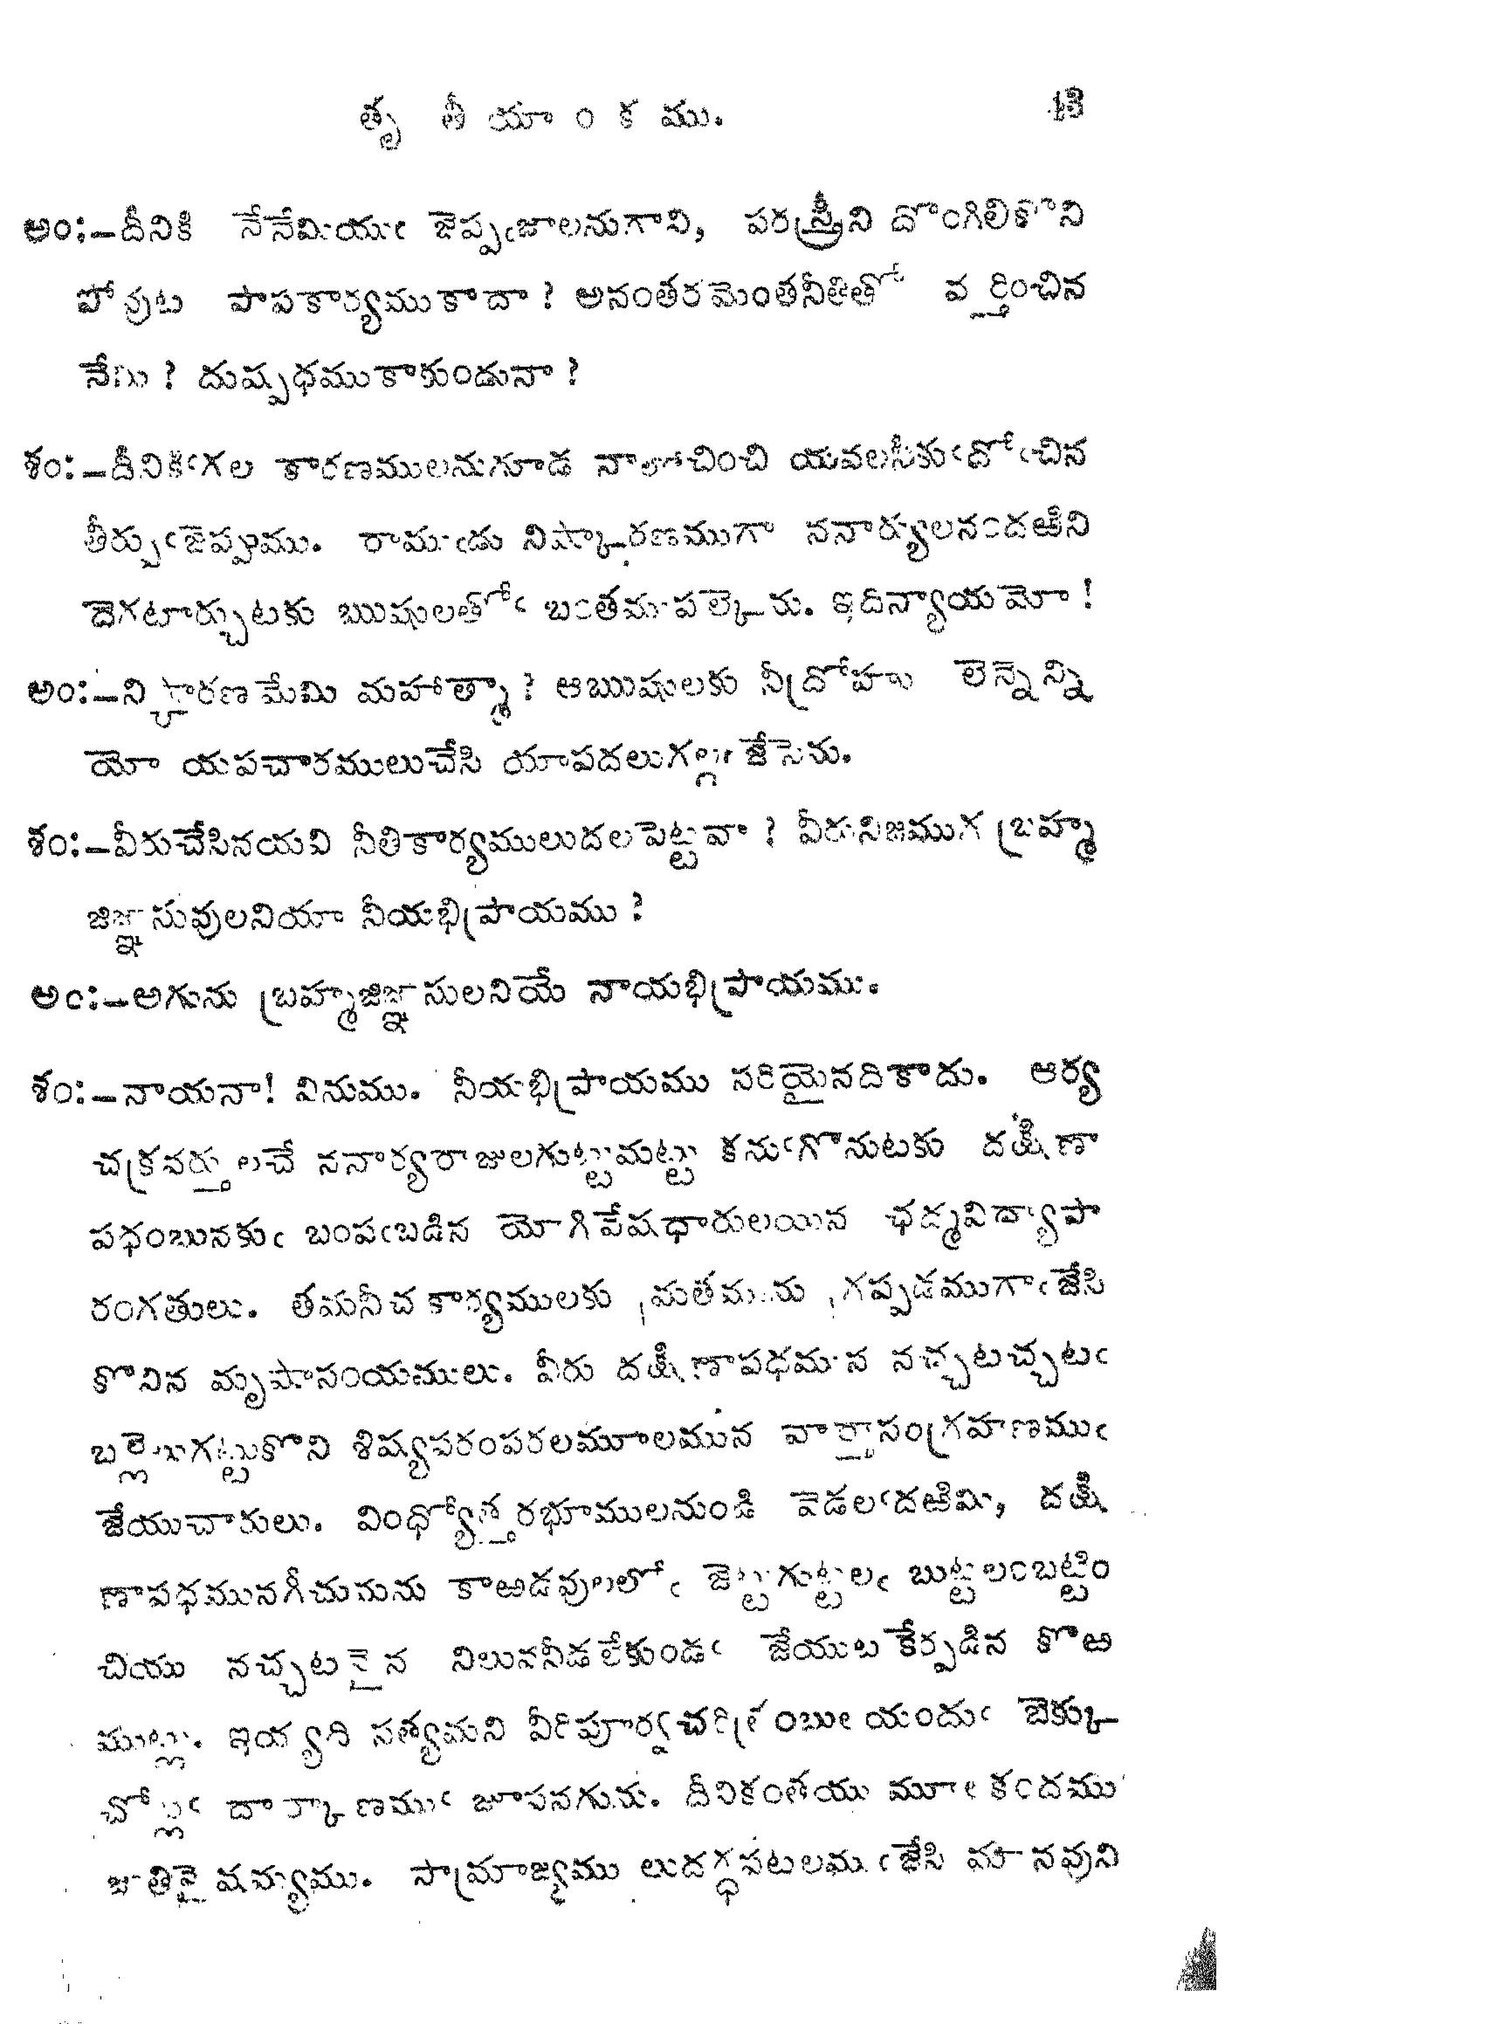అం:- దీనికి నేనేమియుఁ జెప్పజాలనుగానీ, పరస్త్రీని దొంగిలికొని
 పోవుట పాపకార్యము కాదా ! అనంతరమెంత నీతితో వర్తించిన
 నేమి ! దుష్పధము కాగుండునా ?

శం:- దీనికి గల కారణములను గూడ నాలోచించి యవల నీకుఁ దోఁచిన
 తీర్పుఁ జెప్పుము. రామడు నిష్కారణముగా ననార్యలనందఱిని
 దెగటార్చుటకు ఋషులతో బంతమ పల్కెను. ఇది న్యాయమో !

అం:- నిష్కారణ మేమి మహాత్మా ! ఆ ఋషులకు నీద్రోహు లెన్నెన్ని
 యో యపచారములుచేసి యాపదలుగ జేసెను.

శం:- వీరు చేసినయవి నీతి కార్యములుదల పెట్టావా ? వీరు నిజముగ బ్రహ్మ
 జిజ్ఞాసువులనియా నీయభిప్రాయము ?

అం:-అగును బ్రహ్మజ్ఞాసు లనియే నాయభిప్రాయము :

శం:-నాయనా! వినుము. నీయ భిప్రాయము సరియైనది కాదు. ఆర్య
 చక్రవర్తులచే ననార్యరాజుల గుట్ట మట్టు కనుగొనుటకు దక్షిణ
 పధంబునకుఁ బంపఁబడిన యోగి వేషధారులయిన ఛద్మవిద్యాదిపా
 రంగతులు. తమనీచ కార్యములకు మతమును గ్రప్పడముగాఁ జేసి
 కొనిన మృషాసంయములు. వీరు దక్షిణాపథమస నచ్చటచ్చటఁ
 బల్లెలు గట్టుకొని శిష్యపరంపరల మూలమున వార్తా సంగ్రహణముఁ
 జేయు చారులు. వింధ్యోత్తర భూముల నుండి వెడలఁ దఱిమి, దక్షి
 ణాపధమున గీచుమను కాఱడవులో, జెట్టు గుట్టలఁ బుట్టలంబట్టిం
 చియు నచ్చటకైన నిలువనీడ లేకుండఁ జేయుట కేర్పడిన కొఱ
 ముట్ట్లు. ఇయ్యది సత్యమని వీరి పూర్వ చరిత్రంబుల యందుఁ 'బెక్కు
 చోట్ల దార్కాణముఁ జూపనగును. దీని కంతయు మూల కందము
 జుత్రి వైషమ్యము. సామ్రాజ్యము లు దగ్ధపటలముల జేసి మానవుని